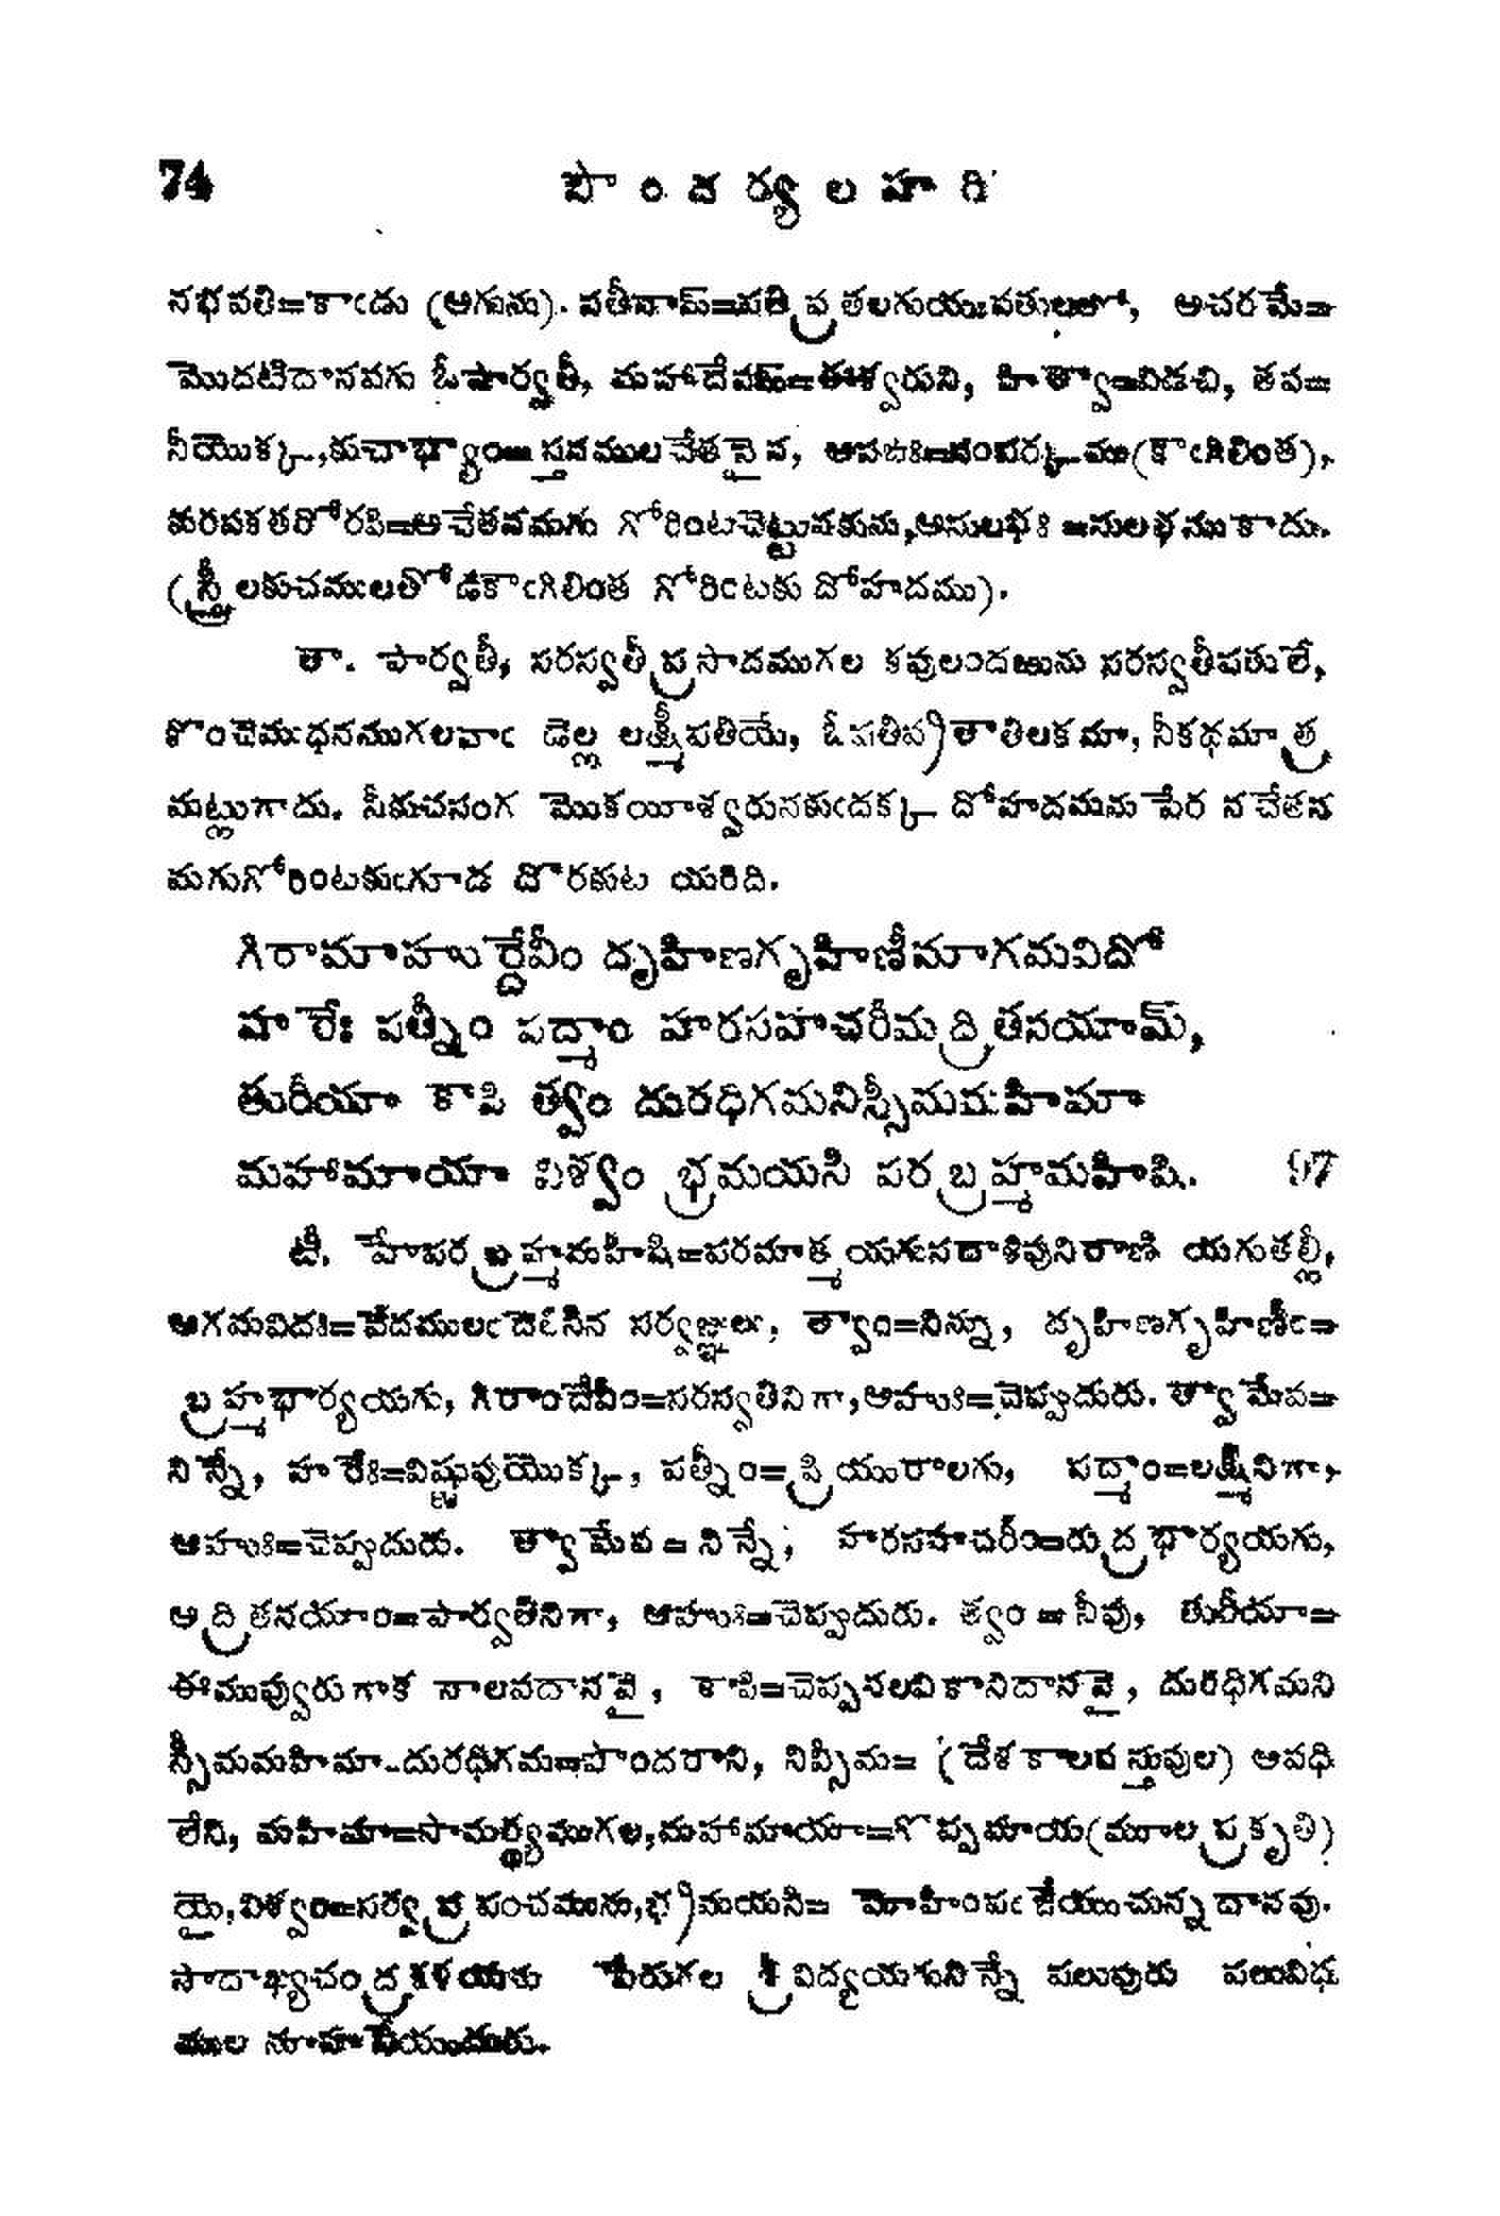నభవతి = కాఁడు (అగును). సతీనామ్ = పతివ్రతలగుయువతులలో, అచరమే = మొదటిదానవగు ఓపార్వతీ, మహాదేవమ్ = ఈశ్వరుని, హిత్వా = విడచి, తవ = నీయొక్క, కుచాభ్యాం = స్తనములచేతనైన, అసఙ్గః = సంపర్కము (కౌఁగిలింత), కురపకతరోరపి = అచేతనమగు గోరింటచెట్టునకును, అసులభః = సులభముకాదు. (స్త్రీలకుచములతోడికౌఁగిలింత గోరింటకు దోహదము).

తా. పార్వతీ, సరస్వతీప్రసాదముగల కవులందఱును సరస్వతీపతులే, కొంచెముధనముగలవాఁ డెల్ల లక్ష్మీపతియే, ఓపతివ్రతాతిలకమా, నీకథమాత్ర మట్లుగాదు. నీకుచసంగ మొకయీశ్వరునకుఁదక్క దోహదమను పేర నచేతనమగు గోరింటాకుఁగూడ దొరకుట యరిది.

గిరామాహుర్దేవీం దృహిణగృహిణీమాగమవిదో
హరేః పత్నీం పద్మాం హరసహచరీమద్రితనయామ్,
తురీయా కాపి త్వం దురధిగమనిస్సీమమహిమా
మహామాయా విశ్వం భ్రమయసి పరబ్రహ్మమహిషి. 97
టీ. హేపరబ్రహ్మమహిషి = పరమాత్మ యగుసదాశివునిరాణి యగుతల్లీ, ఆగమవిదః = వేదములఁదెలిసిన సర్వజ్ఞులు, త్వాం = నిన్ను, దృహిణగృహిణీఁ = బ్రహ్మభార్యయగు, గిరాందేవీం = సరస్వతినిగా, ఆహుః = చెప్పుదురు. త్వామేవ = నిన్నే, హరేః = విష్ణువుయొక్క, పత్నీం = ప్రియురాలగు, పద్మాం = లక్ష్మినిగా, ఆహుః = చెప్పుదురు. త్వామేవ = నిన్నే, హరసహచరీం = రుద్రభార్యయగు, అద్రితనయాం = పార్వతినిగా, ఆహుః = చెప్పుదురు. త్వం = నీవు, తురీయా = ఈమువ్వురు గాక నాలవదానవై, కాపి = చెప్పనలవికానిదానవై, దురధిగమనిస్సీమమహిమా-దురధిగమ = పొందరాని, నిస్సీమ = (దేశకాలవస్తువుల) అవధిలేని, మహిమా = సామర్థ్యముగల, మహామాయా = గొప్పమాయ (మూలప్రకృతి) యై, విశ్వం = సర్వప్రపంచమును, భ్రమయసి = మోహింపఁజేయుచున్నదానవు. సాదాఖ్యచంద్రకళయను పేరుగల శ్రీవిద్యయగునిన్నే పలువురు పలువిధముల నూహసేయుదురు.